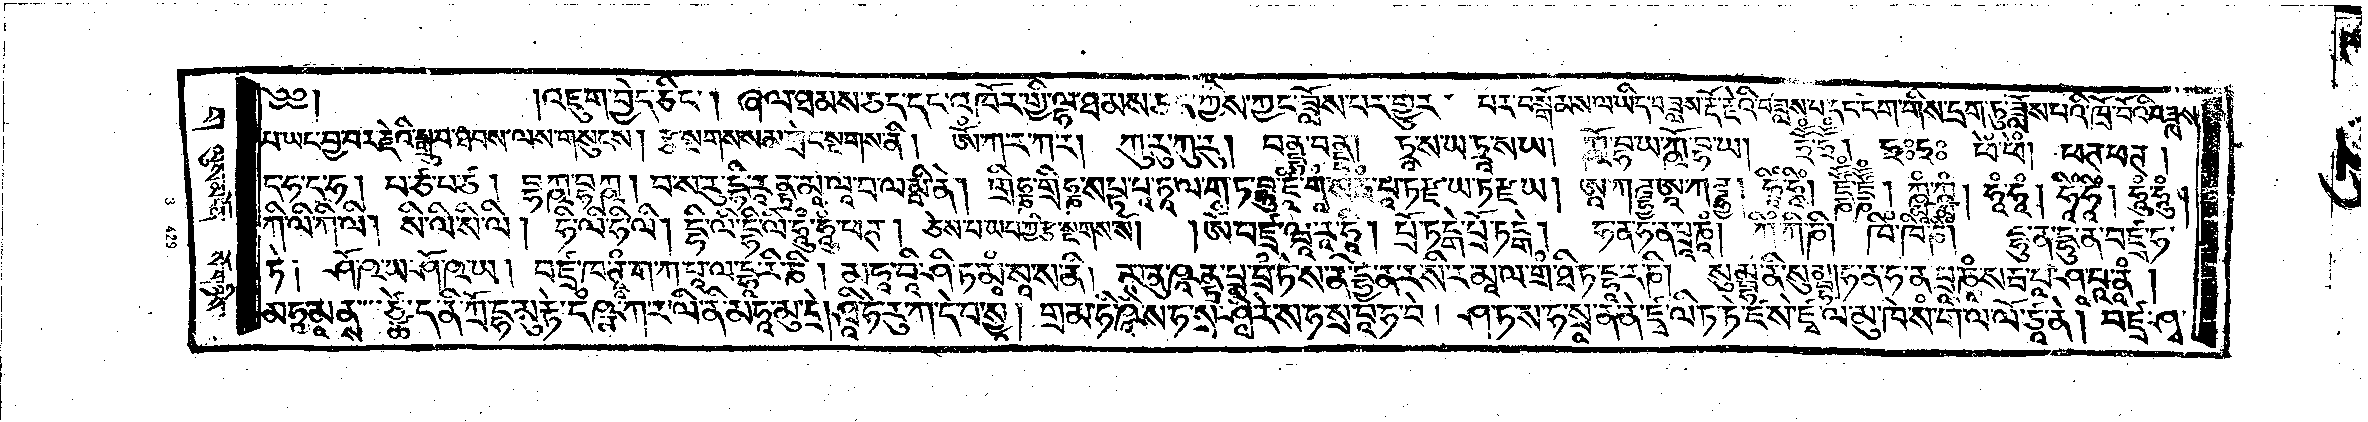༄༅། །འཇུག་བྱེད་ཅིང་། ཞལ་ཐམས་ཅད་དང་འཁོར་གྱི་ལྷ་ཐམས་ཅད་ཀྱིས་ཀྱང་ཟློས་པར་གྱུར་པར་བསྒོམས་ལ་ཡིད་བཟླས་རྡོ་རྗེའི་བཟླས་པ་དང་ངག་གིས་དྲག་ཏུ་ཟློས་པའི་ཁྲོ་བོའི་བཟླས་
པ་ཡང་བྱ་བར་རྗེའི་སྒྲུབ་ཐབས་ལས་གསུངས། རྩ་སྔགས་སམ་གྲེང་སྔགས་ནི། ཨོཾ་ཀ་ར་ཀ་ར། ཀུ་རུ་ཀུ་རུ། བནྡྷ་བནྡྷ། ཏྲཱ་ས་ཡ་ཏྲཱ་ས་ཡ། ཀྵོ་བྷ་ཡ་ཀྵོ་བྷ་ཡ། ཧྲཽཾ་ཧྲཽཾ། ཧྲཿཧྲཿ ཕེཾ་ཕེཾ། ཕཊ་ཕཊ།
ད་ཧ་ད་ཧ། པ་ཙ་པ་ཙ། བྷ་ཀྵ་བྷ་ཀྵ་།བ་ས་རུ་དྷི་རཱ་ནྟྲ་མཱ་ལཱ་བ་ལ་མྦི་ནེ། གྲིཧྞ་གྲིཧྞ་སཔྟ་པཱ་ཏཱ་ལ་གཱ་ཏ་བྷུ་ཛཱཾ་གཱཾ་སརྦཾ་པཱ་ཏ་རྫ་ཡ་ཏ་རྫ་ཡ། ཨཱ་ཀཌྜྷྱ་ཨཱ་ཀཌྜྷྱ། ཧྲཱིཾ་ཧྲཱིཾ། ཛྞཽཾ་ཛྞཽཾ། ཀྵྨཱཾ་ཀྵྨཱཾ། ཧཱཾ་ཧཱཾ། ཧཱིཾ་ཧཱིཾ། ཧཱུཾ་ཧཱུཾ།
ཀི་ལི་ཀི་ལི། སི་ལི་སི་ལི། ཧི་ལི་ཧི་ལི། དྷི་ལི་དྷི་ལི་ཧཱུཾ་ཧཱུཾ་ཕཊ། ཅེས་པ་ཡབ་ཀྱི་རྩ་སྔགས་སོ།  །ཨོཾ་བཛྲ་ཝཱ་རཱ་ཧཱི། པྲོ་ཏངྒེ་པྲོ་ཏངྒེ། ཧ་ན་ཧ་ན་པྲཱ་ཎཱཾ། ཀིཾ་ཀི་ཎི། ཁིཾ་ཁིཾ་ནིཾ། དྷུ་ན་དྷུ་ན་བཛྲ་ཧ་
ཏེ༑ ཤོ་ཥ་ཡ་ཤོ་ཥ་ཡ། བཛྲ་ཁ་ཏྭཱཾ་ག་ཀ་པཱ་ལ་དྷཱ་རི་ཎི། མཧཱ་བཱི་ཤི་ཏ་མཱཾ་སཱ་ས་ནི། མཱ་ནུ་ཥཱནྟྲ་པྲཱ་བྲཾ་ཏེ་ས་ནི་དྷྱ་ན་ར་སི་ར་མཱ་ལ་གྲཾ་ཐི་ཏ་དྷཱ་ར་ཎི། སུ་མྦྷ་ནི་སུམྦྷ། ཧ་ན་ཧ་ན་པྲཱ་ཎཱཾ་སརྦ་པཱ་ཤ་པཱ་ནཱཾ།
མྷཱ་མཱ་ནས་ཙེཚ་ད་ནི་ཀྲོ་དྷ་མུརྟེ་དཾཥྚ་ཀ་ར་ལི་ནི་མཧཱ་མུ་དྲེ། ཤྲཱི་ཧེ་རུ་ཀ་དེ་བ་སྱུཨཾ། གྲམ་ཧི་ཥྲཱི་ས་ཧ་སྲ་ཤཱི་རེ་ས་ཧ་སྲ་བཱ་ཧ་བེ། ཤ་ཏ་ས་ཧ་སྲཱ་ན་ནེ་ཛྲ་ལི་ཏ་ཏེ་ཛ་སེ་ཛྭ་ལ་མུ་ཁེ་སཾ་ག་ལཾ་ལོ་ཙཱ་ནེ། བཛྲ་ཤྭ་